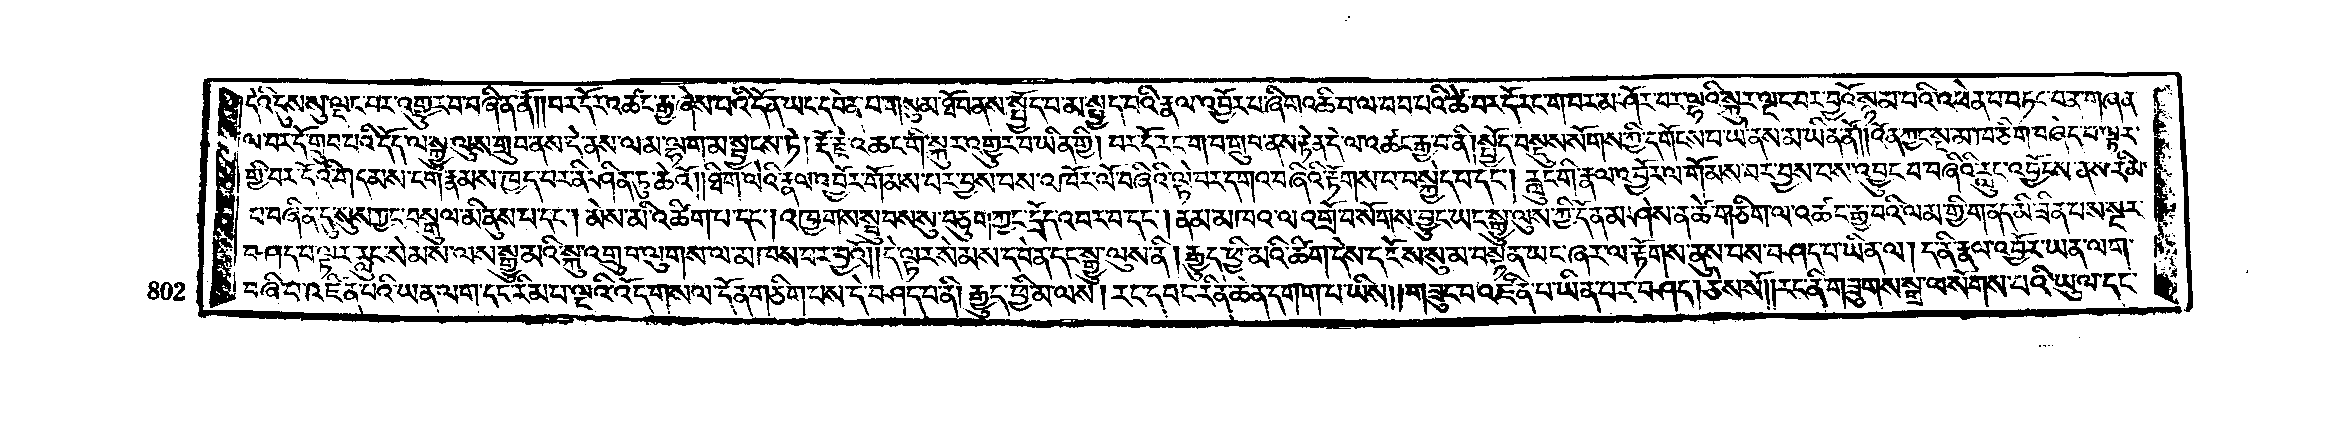དེའི་དུས་སུ་ལྡང་བར་འགྱུར་བ་བཞིན་ནོ། །བར་དོར་འཆང་བརྒྱ་ཞེས་པའི་དོན་ཡང་དབེན་པ་གསུམ་ཐོབ་ནས་སྤྱོད་པ་མ་སྤྱད་པའི་རྣལ་འབྱོར་པ་ཞིག་འཆི་བ་ལ་བབ་པའི་ཚེ་བར་དོ་རང་ག་བར་མ་ཤོར་བར་ལྷའི་སྐུར་ལྡང་བར་བྱའོ་སྙམ་པའི་འཕེན་པ་བཏང་བ་ན་གཞན་
ལ་བར་དེ་གྲུབ་པའི་དོད་ལ་སྒྱུ་ལུས་གྲུབ་ནས་དེ་ནས་ལམ་ལྷག་མ་སྦྱངས་ཏེ། རྡོ་རྗེ་འཆང་གི་སྐུར་འགྱུར་བ་ཡིན་གྱི། བར་དོ་རང་ག་བ་གྲུབ་ནས་རྟེན་དེ་ལ་འཚང་རྒྱ་བ་ནི། སྤྱོད་བསྡུས་སོགས་ཀྱི་དགོངས་པ་ཡེ་ནས་མ་ཡིན་ནོ། །འོན་ཀྱང་སྔ་མ་ཁ་ཅིག་བཞེད་པ་ལྟར་
གྱི་བར་དོའི་གདམས་ངག་རྣམས་ཁྱད་པར་ནི་ཤིན་ཏུ་ཆེའོ། །ཐིག་ལེའི་རྣལ་འབྱོར་གོམས་པར་བྱས་བས་འཁོར་ལོ་བཞིའི་ལྟེ་བར་དགའ་བཞིའི་རྟོགས་པ་བསྐྱེད་པ་དང་། རླུང་གི་རྣལ་འབྱོར་ལ་གོམས་པར་བྱས་པས་འབྱུང་བ་བཞིའི་རླུང་འབྱོངས་ནས་རིམ་
པ་བཞིན་དུ་སུས་ཀྱང་བསྒུལ་མི་ནུས་པ་དང་། མེས་མི་འཚིག་པ་དང་། འཁྱགས་སྦུབས་སུ་བཅུག་ཀྱང་དྲོད་འབར་བ་དང་། ནམ་མཁའ་ལ་འགྲོ་བ་སོགས་བྱུང་ཡང་སྒྱུ་ལུས་ཀྱི་དོན་མ་ཤེས་ན་ཚེ་གཅིག་ལ་འཚང་རྒྱ་བའི་ལམ་གྱི་གནད་མི་ཟིན་པས་སྔར་
བཤད་པ་ལྟར་རླུང་སེམས་ལས་སྒྱུ་མའི་སྐུ་འགྲུབ་ལུགས་ལ་མཁས་པར་བྱའོ། །དེ་ལྟར་སེམས་དབེན་དང་སྒྱུ་ལུས་ནི། རྒྱུད་ཕྱི་མའི་ཚིག་དེས་དངོས་སུ་མ་བསྟན་ཡང་ཞར་ལ་རྟོགས་ནུས་པས་བཤད་པ་ཡིན་ལ། ད་ནི་རྣལ་འབྱོར་ཡན་ལག་
བཞི་པ་འཛིན་པའི་ཡན་ལག་དང་རིམ་པ་ལྔའི་འོད་གསལ་དོན་གཅིག་པས་དེ་བཤད་པ་ནི། རྒྱུད་ཕྱི་མ་ལས། རང་དབང་རིན་ཆེན་དགག་པ་ཡིས། །གཟུང་བ་འཛིན་པ་ཡིན་པར་བཤད། ཅེས་སོ། །རང་ནི་གཟུགས་སྒྲ་ལ་སོགས་པའི་ཡུལ་དང་